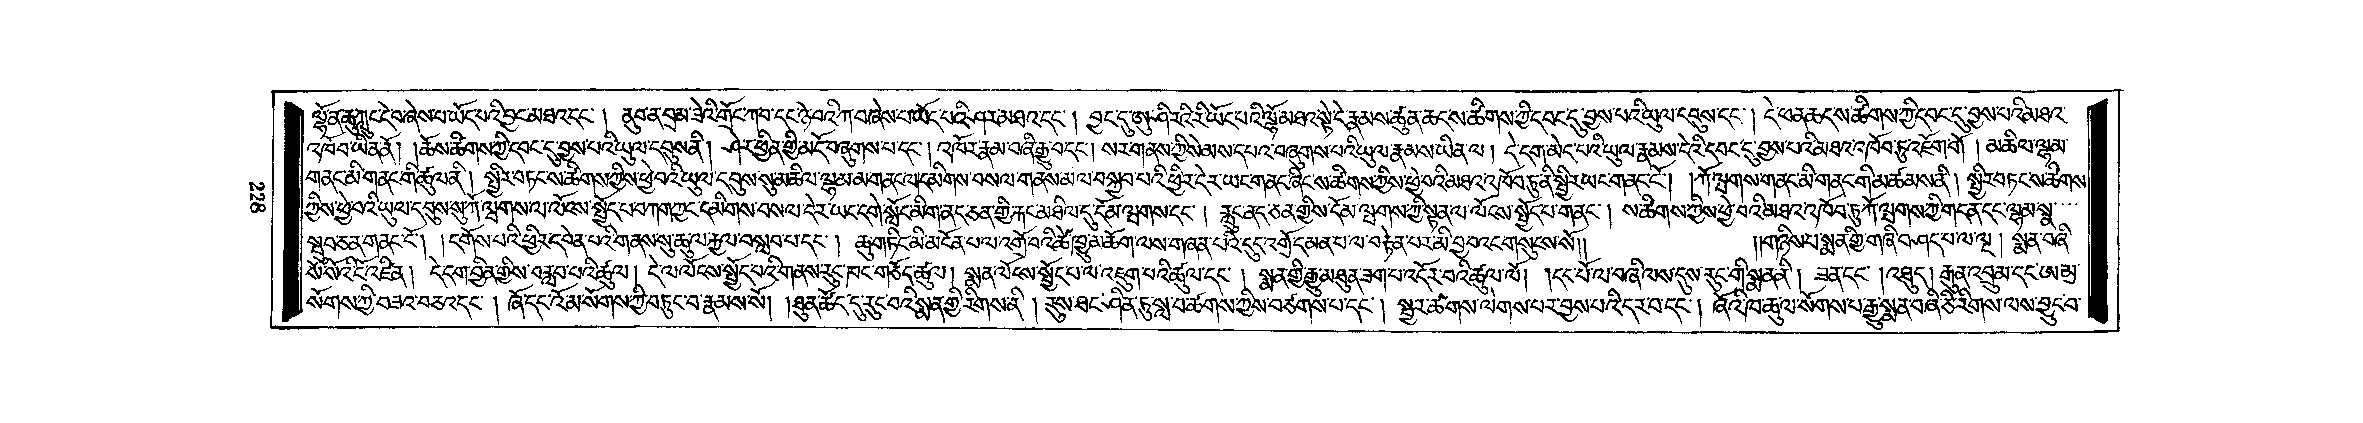ལྷོ་ན་ཆུ་ཀླུང་དེ་བ་ཞེས་པ་ཡོད་པའི་བྱང་མཐའ་དང་། ནུབ་ན་བྲམ་ཟེའི་གྲོང་ཀ་བ་དང་ཉེ་བའི་ཀ་བ་ཞེས་པ་ཡོད་པའི་ཤར་མཐའ་དང་། བྱང་དུ་ཨུ་ཤི་རའི་རི་ཡོང་པའི་ལྷོ་མཐའ་སྟེ་དེ་རྣམས་ཚུན་ཆད་ས་ཚིགས་ཀྱི་དབང་དུ་བྱས་པའི་ཡུལ་དབུས་དང་། དེ་ཕན་ཆད་ས་ཚིགས་ཀྱི་དབང་དུ་བྱས་པའི་མཐའ་
འཁོབ་ཡིན་ནོ། །ཆོས་ཚིགས་ཀྱི་དབང་དུ་བྱས་པའི་ཡུལ་དབུས་ནི། ཤེར་ཕྱིན་གྱི་མདོ་བཞུགས་པ་དང་། འཁོར་རྣམ་བཞི་རྒྱུ་བ་དང་། སར་གནས་ཀྱི་སེམས་དཔའ་བཞུགས་པའི་ཡུལ་རྣམས་ཡིན་ལ། དེ་དག་མེད་པའི་ཡུལ་རྣམས་དེའི་དབང་དུ་བྱས་པའི་མཐའ་འཁོབ་ཏུ་འཇོག་གོ །མཆིལ་ལྷམ་
གནང་མི་གནང་གི་ཚུལ་ནི། སྤྱིར་བཏང་ས་ཚིགས་ཀྱིས་ཕྱེ་བའི་ཡུལ་དབུས་སུ་མཆིལ་ལྷམ་མ་གནང་ལ། དམིགས་བསལ་གནས་མ་ལ་བསྐྱབ་པའི་ཕྱིར་དེར་ཡང་གནང་ཞིང་ས་ཚིགས་ཀྱིས་ཕྱེ་བའི་མཐའ་འཁོབ་ཏུ་ནི་སྤྱིར་ཡང་གནང་ངོ། །ཀོ་ལྤགས་གནང་མི་གནང་གི་མཚམས་ནི། སྤྱིར་བཏང་ས་ཚིགས་
ཀྱིས་ཕྱེ་བའི་ཡུལ་དབུས་སུ་ཀོ་ལྤགས་ལ་ལོངས་སྤྱོད་པ་བཀག་ཀྱང་དམིགས་བསལ་དེར་ཡང་དགེ་སློང་མིག་ནད་ཅན་གྱི་རྐང་མཐིལ་དུ་དོམ་ལྤགས་དང་། རླུང་ནད་ཅན་གྱིས་དོམ་ལྤགས་ཀྱི་སྟན་ལ་ལོངས་སྤྱོད་པ་གནང་། ས་ཚིགས་ཀྱིས་ཕྱེ་བའི་མཐའ་འཁོབ་ཏུ་ཀོ་ལྤགས་ཀྱི་གདན་དང་ལྷམ་སྣ་
སྦུབ་ཅན་གནང་ངོ། །དགོས་པའི་ཕྱིར་དབེན་པའི་གནས་སུ་ཆུ་ལ་རྐྱལ་བསླབ་པ་དང་། ཆུ་གཏིང་མི་མངོན་པ་ལ་འགྲོ་བའི་ཚེ་ཁྱུ་མཆོག་ལས་གཞན་པའི་དུད་འགྲོ་དམན་པ་ལ་བརྟེན་པར་མི་བྱ་བའང་གསུངས་སོ།། །།གཉིས་པ་སྨན་གྱི་གཞི་བཤད་པ་ལ་ལྔ། སྨན་བཞི་
སོ་སོའི་ངོ་འཛིན། དེ་དག་བྱིན་གྱིས་བརླབ་པའི་ཚུལ། དེ་ལ་ལོངས་སྤྱོད་པའི་གནས་རུང་ཁང་གཅོད་ཚུལ། སྨན་ལོངས་སྤྱོད་པ་ལ་འཇུག་པའི་ཚུལ་དང་། སྨན་གྱི་རྒྱུ་མཐུན་ཟག་པ་འདོར་བའི་ཚུལ་ལོ། །དང་པོ་ལ་བཞི་ལས་དུས་རུང་གི་སྨན་ནི། ཟན་དང་། འཐུད། རྒུན་འབྲུམ་དང་ཨམྲ་
སོགས་ཀྱི་བཟའ་བཅའ་དང་། ཞོ་དང་འོ་མ་སོགས་ཀྱི་བཏུང་བ་རྣམས་སོ། །ཐུན་ཚོད་དུ་རུང་བའི་སྨན་གྱི་རིགས་ནི། རུས་ཐང་ཤིན་ཏུ་སླ་བ་ཚགས་ཀྱིས་བཙགས་པ་དང་། སྦྱར་ཚགས་ལེགས་པར་བྱས་པའི་དར་བ་དང་། ཞོའི་ཁ་ཆུ་ལ་སོགས་པ་རྒྱུ་སྨན་བཞི་ཅི་རིགས་ལས་བྱུང་བ་